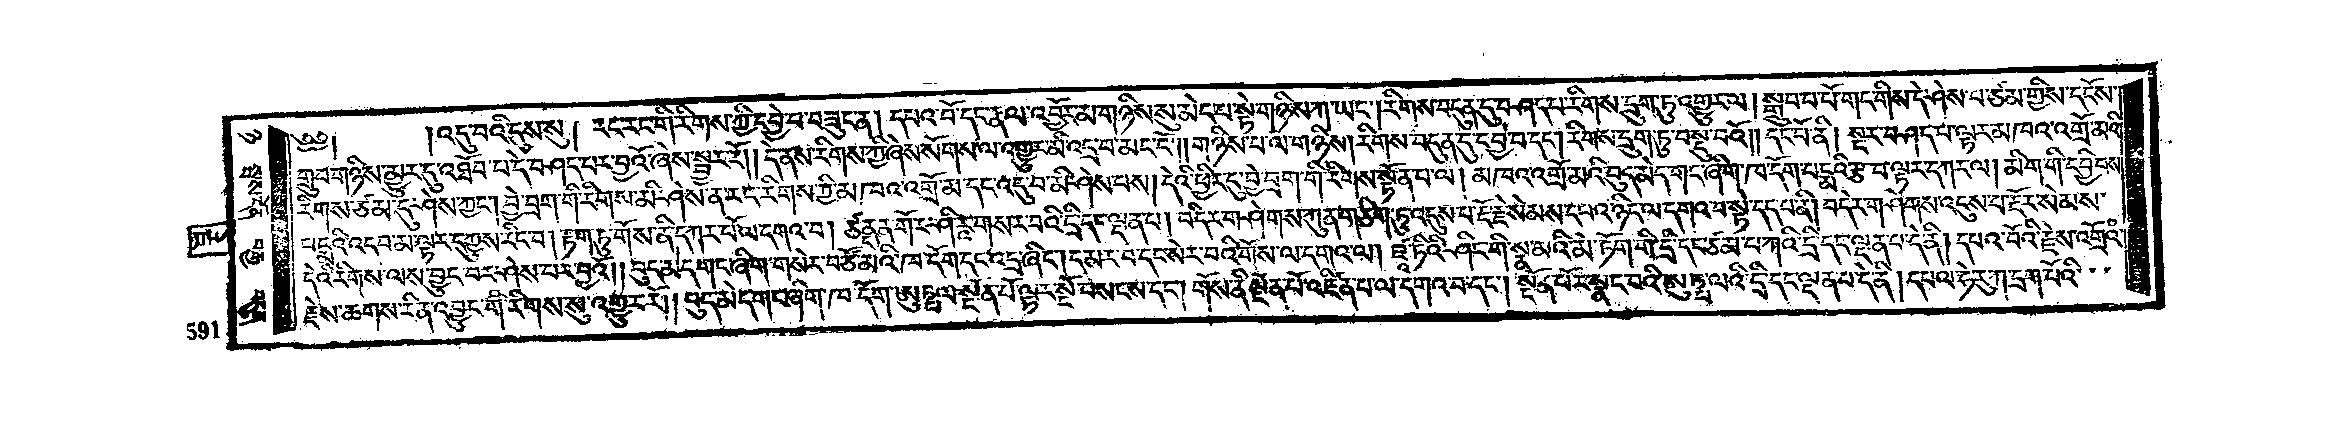༄༅། །འདུ་བའི་དུས་སུ། རང་རང་གི་རིགས་ཀྱི་དབྱེ་བ་བཟུང་ན། དཔའ་བོ་དང་རྣལ་འབྱོར་མ་གཉིས་སུ་མེད་པ་སྟེ་གཉིས་ཀ་ཡང་། རིགས་བདུན་དུ་བཤད་པ་རིགས་དྲུག་ཏུ་འགྱུར་ལ། སྒྲུབ་པ་པོ་གང་གིས་དེ་ཤེས་པ་ཙམ་གྱིས་དངོས་
གྲུབ་གཉིས་མྱུར་དུ་འཐོབ་པ་དེ་བཤད་པར་བྱའོ་ཞེས་སྦྱར་རོ། །དེ་ནས་རིགས་ཀྱི་ཞེས་སོགས་ལ་འགྱུར་མི་འདྲ་བ་མང་ངོ། །གཉིས་པ་ལ་གཉིས། རིགས་བདུན་དུ་དབྱེ་བ་དང་། རིགས་དྲུག་ཏུ་བསྡུ་བའོ། །དང་པོ་ནི། སྔར་བཤད་པ་ལྟར་མཁའ་འགྲོ་མའི་
རིགས་ཙམ་དུ་ཤེས་ཀྱང་། བྱེ་བྲག་གི་རིགས་མི་ཤེས་ན་རང་རིགས་ཀྱི་མཁའ་འགྲོ་མ་དང་འདུ་བ་མི་ཤེས་པས། དེའི་ཕྱིར་དུ་བྱེ་བྲག་གི་རིགས་སྟོན་པ་ལ། མཁའ་འགྲོ་མའི་བུད་མེད་གང་ཞིག་ཁ་དོག་པདམའི་རྩ་བ་ལྟར་དཀར་ལ། མིག་གི་དབྱིབས་
པདམའི་འདབ་མ་ལྟར་དཀྱུས་རིང་བ། རྟག་ཏུ་གོས་ནི་དཀར་པོ་ལ་དགའ་བ། ཙནྡན་གོར་ཤིརཱ་གསར་བའི་དྲི་དང་ལྡན་པ། བདེར་གཤེགས་ཀུན་གཅིག་ཏུ་འདུས་པ་རྡོ་རྗེ་སེམས་དཔའ་ཉིད་ལ་དགའ་བ་སྟེ་དད་པ་ནི། བདེར་གཤེགས་འདུས་པ་རྡོར་སེམས་
དེའི་རིགས་ལས་བྱུང་བར་ཤེས་པར་བྱའོ། །བུད་མེད་གང་ཞིག་གསེར་བཙོ་མའི་ཁ་དོག་དང་འདྲ་ཞིང་། དམར་བ་དང་སེར་བའི་གོས་ལ་དགའ་ལ། ཛཱ་ཏིའི་ཤིང་གི་སྣ་མའི་མེ་ཏོག་གི་དྲི་དང་ཙམ་པ་ཀའི་དྲི་དང་ལྡན་པ་དེ་ནི། དཔའ་བོའི་རྗེས་འགྲོའམ་
རྗེས་ཆགས་རིན་འབྱུང་གི་རིགས་སུ་འགྱུར་རོ། །བུད་མེད་གང་ཞིག་ཁ་དོག་ཨུཏྤླ་སྔོན་པོ་ལྟར་སྔོ་བསངས་དང་། གོས་ནི་སྔོན་པོ་འཛིན་པ་ལ་དགའ་བ་དང་། སྔོན་པོར་སྣང་བའི་ཨུཏྤ་ལའི་དྲི་དང་ལྡན་པ་དེ་ནི། དཔལ་ཧེ་རུ་ཀ་དྲག་པོའི་